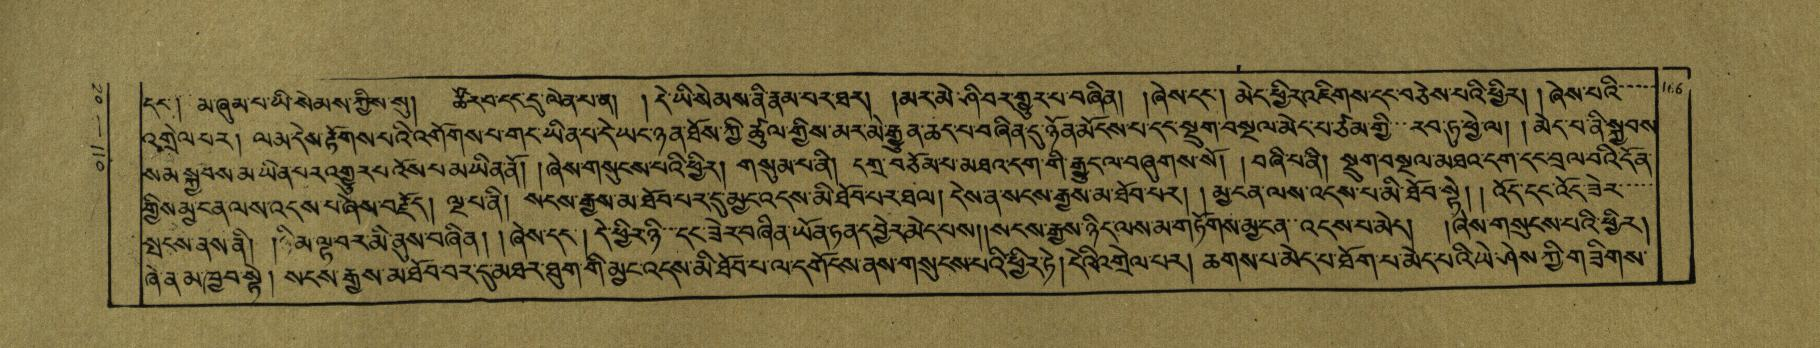དང༑ མ་ཞུམ་པ་ཡི་སེམས་ཀྱིས་སུ། ཚོར་བ་དང་དུ་ལེན་པ་ན། །དེ་ཡི་སེམས་ནི་རྣམ་པར་ཐར། །མར་མེ་ཤི་བར་གྱུར་པ་བཞིན། །ཞེས་དང་། མེད་ཕྱིར་འཇིགས་དང་བཅེས་པའི་ཕྱིར། །ཞེས་པའི་
འགྲེལ་པར། ལམ་དེས་རྟོགས་པའི་འགོགས་པ་གང་ཡིན་པ་དེ་ཡང་ཉན་ཐོས་ཀྱི་ཚུལ་གྱིས་མར་མེ་རྒྱུན་ཆད་པ་བཞིན་དུ་ཉོན་མོངས་པ་དང་སྡུག་བསྔལ་མེད་པ་ཙམ་གྱི་རབ་ཏུ་ཕྱེ་ལ། །མེད་པ་ནི་སྐྱབས་
སམ་སྐྱབས་མ་ཡིན་པར་འགྱུར་པ་འོས་པ་མ་ཡིན་ནོ། །ཞེས་གསུངས་པའི་ཕྱིར། གསུམ་པ་ནི། དགྲ་བཅོམ་པ་མཐའ་དག་གི་རྒྱུད་ལ་བཞུགས་སོ། །བཞི་པ་ནི། སྡུག་བསྔལ་མཐའ་དག་དང་བྲལ་བའི་དོན་
གྱིས་མྱ་ངན་ལས་འདས་པ་ཞེས་བརྗོད། ལྔ་པ་ནི། སངས་རྒྱས་མ་ཐོབ་པར་དུ་མྱང་འདས་མི་ཐོབ་པར་ཐལ། དེས་ན་སངས་རྒྱས་མ་ཐོབ་པར། །མྱང་ངན་ལས་འདས་པ་མི་ཐོབ་སྟེ། །འོད་དང་འོད་ཟེར་
སྤངས་ནས་ནི། །ཉི་མ་ལྟ་བར་མི་ནུས་བཞིན། །ཞེས་དང་། དེ་ཕྱིར་ཉི་དང་ཟེར་བཞིན་ཡོན་ཏན་དབྱེར་མེད་པས། །སངས་རྒྱས་ཉིད་ལས་མ་གཏོགས་མྱ་ངན་འདས་པ་མེད། །ཞེས་གསུངས་པའི་ཕྱིར།
ཞེ་ན་མ་ཁྱབ་སྟེ། སངས་རྒྱས་མ་ཐོབ་བར་དུ་མཐར་ཐུག་གི་མྱང་འདས་མི་ཐོབ་པ་ལ་དགོངས་ནས་གསུངས་པའི་ཕྱིར་ཏེ། དེའི་འགྲེལ་པར། ཆགས་པ་མེད་པ་ཐོག་པ་མེད་པའི་ཡེ་ཤེས་ཀྱི་གཟིགས་